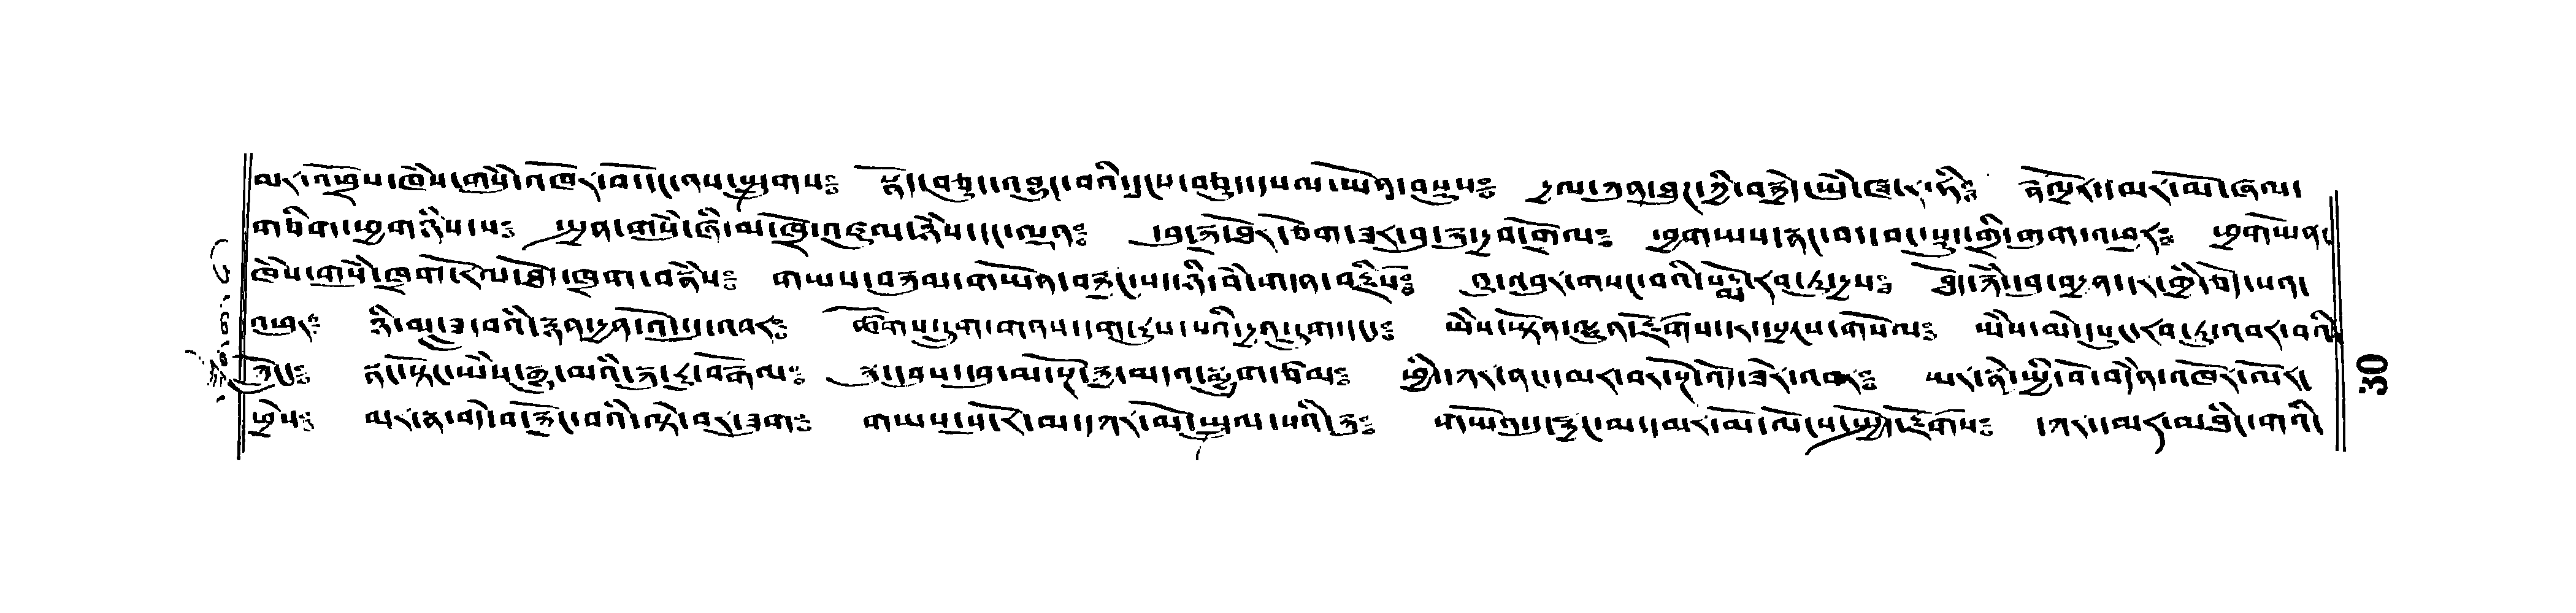མར་འཕྲོས་ཁམས་གསུམ་འཁོར་བ་དོང་ནས་སྤྲུགས༔ སྣོད་བཅུད་འབྱུང་བའི་དྭངས་བཅུད་དཔལ་ཡོན་བསྡུས༔ རྒྱལ་ཀུན་ཐུགས་ཀྱི་བསྐྱེད་ཡུམ་ཝ་ར་ཧི༔ རྣལ་འབྱོར་དམར་མོ་ཞལ་
གཅིག་ཕྱག་གཉིས་པ༔ སྤྱན་གསུམ་ཞི་མ་ཁྲོ་འཛུམ་ཉམས་དང་ལྡན༔ དབུ་སྐྲ་ཐོར་ཅོག་ཟར་བུ་སྐུ་རྒྱབ་གྲོལ༔ ཕྱག་གཡས་སྣང་བ་དབང་སྡུད་གྲི་གུག་འཕྱར༔ ཕྱག་གཡོན་
ཁམས་གསུམ་ཁྲག་རོལ་ཐོད་ཁྲག་བསྣམས༔ གཡས་བསྐུམ་གཡོན་བརྐྱང་པད་ཉི་བམ་གདན་བརྫིས༔ ནུ་འབུར་གསང་བའི་པདྨོ་རབ་ཏུ་རྒྱས༔ ཐོད་སྐམ་དབུ་བརྒྱན་དར་གྱི་ཅོད་པན་
འཕུར༔ ཉི་མ་ཟླ་བའི་སྙན་རྒྱན་འོད་དུ་འབར༔ ཚོགས་དྲུག་གནས་དག་རུས་པའི་རྒྱན་དྲུག་དང༔ ཡེ་ཤེས་ཡོན་ཏན་ལྷུན་རྫོགས་དར་དཔྱངས་གསོལ༔ ཡེ་ཤེས་མེ་དཔུང་རབ་ཏུ་འབར་བའི་
ཀློང༔ སྣང་སྟོང་ཡེ་ཤེས་སྒྱུ་མའི་སྐུ་རུ་བསྒོམ༔ སྐུ་དབུས་དབུ་མ་སྔོ་སྐྱ་མདའ་སྨྱུག་ཙམ༔ ཕྱི་དཀར་ནང་དམར་བར་སྔོ་འོད་ཟེར་འབར༔ ཡར་སྣེ་སྤྱི་བོ་བདེ་ཆེན་འཁོར་ལོར་
ཕྱེས༔ མར་སྣ་བདེ་བ་སྐྱོང་བའི་ལྟེ་བར་ཟུག༔ གཡས་སུ་རོ་མ་དཀར་མོ་སྤྲུལ་པའི་སྐུ༔ གཡོན་དུ་རྐྱང་མ་དམར་མོ་ལོངས་སྤྱོད་རྫོགས༔ དཀར་དམར་མཐིང་གའི་